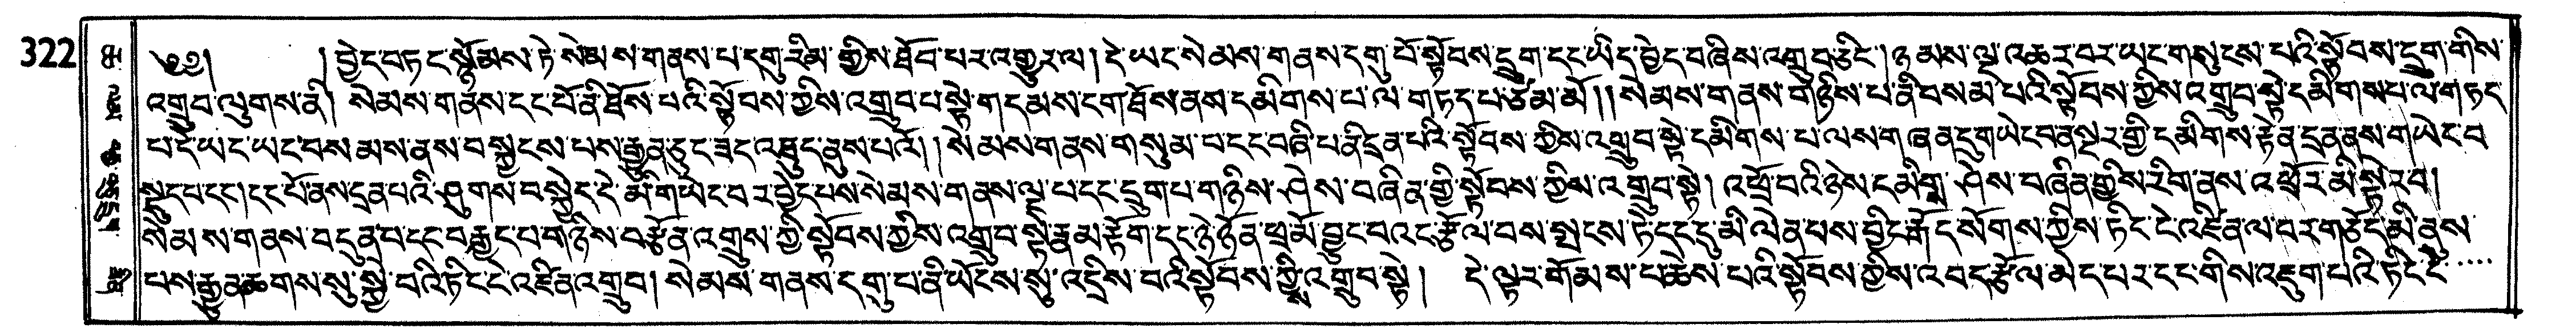༄༅། །བྱེད་བཏང་སྙོམས་ཏེ་སེམས་གནས་པ་དགུ་རིམ་གྱིས་ཐོབ་པར་འགྱུར་ལ། དེ་ཡང་སེམས་གནས་དགུ་པོ་སྟོབས་དྲུག་དང་ཡིད་བྱེད་བཞིས་འགྲུབ་ཅིང་། ཉམས་ལྔ་འཆར་བར་ཡང་གསུངས་པའི་སྟོབས་དྲུག་གིས་
འགྲུབ་ལུགས་ནི། སེམས་གནས་དང་པོ་ནི་ཐོས་པའི་སྟོབས་ཀྱིས་འགྲུབ་པ་སྟེ་གདམས་ངག་ཐོས་ནས་དམིགས་པ་ལ་གཏད་པ་ཙམ་མོ། །སེམས་གནས་གཉིས་པ་ནི་བསམ་པའི་སྟོབས་ཀྱིས་འགྲུབ་སྟེ་དམིགས་པ་ལ་གཏད་
པ་དེ་ཡང་ཡང་བསམས་ནས་བསྐྱངས་པས་རྒྱུན་ཅུང་ཟད་འཐུད་ནུས་པའོ། །སེམས་གནས་གསུམ་པ་དང་བཞི་པ་ནི་དྲན་པའི་སྟོབས་ཀྱིས་འགྲུབ་སྟེ་དམིགས་པ་ལས་གཞན་དུ་གཡེང་བ་ན་སྔར་གྱི་དམིགས་རྟེན་དྲན་ནས་གཡེང་བ་
སྡུད་པ་དང་། དང་པོ་ནས་དྲན་པའི་ཤུགས་བསྐྱེད་དེ་མི་གཡེང་བར་བྱེད་པས་སེམས་གནས་ལྔ་པ་དང་དྲུག་པ་གཉིས་ཤེས་བཞིན་གྱི་སྟོབས་ཀྱིས་འགྲུབ་སྟེ། འཕྲོ་བའི་ཉེས་དམིགས་ཤེས་བཞིན་གྱིས་རིག་ནས་འཕྲོར་མི་སྟེར་བ།
སེམས་གནས་བདུན་པ་དང་བརྒྱད་པ་གཉིས་བརྩོན་འགྲུས་ཀྱི་སྟོབས་ཀྱིས་འགྲུབ་སྟེ་རྣམ་རྟོག་དང་ཉེ་ཉོན་ཕྲ་མོ་བྱུང་བའང་རྩོལ་བས་སྤངས་ཏེ་དང་དུ་མི་ལེན་པས་བྱིང་རྒོད་སོགས་ཀྱིས་ཏིང་ངེ་འཛིན་ལ་བར་གཅོད་མི་ནུས་
པས་རྒྱུན་ཆགས་སུ་སྐྱེ་བའི་ཏིང་ངེ་འཛིན་འགྲུབ། སེམས་གནས་དགུ་པ་ནི་ཡོངས་སུ་འདྲིས་བའི་སྟོབས་ཀྱིས་འགྲུབ་སྟེ། དེ་ལྟར་གོམས་པ་ཆེས་པའི་སྟོབས་ཀྱིས་འབད་རྩོལ་མེད་པར་དང་གིས་འཇུག་པའི་ཏིང་ངེ་